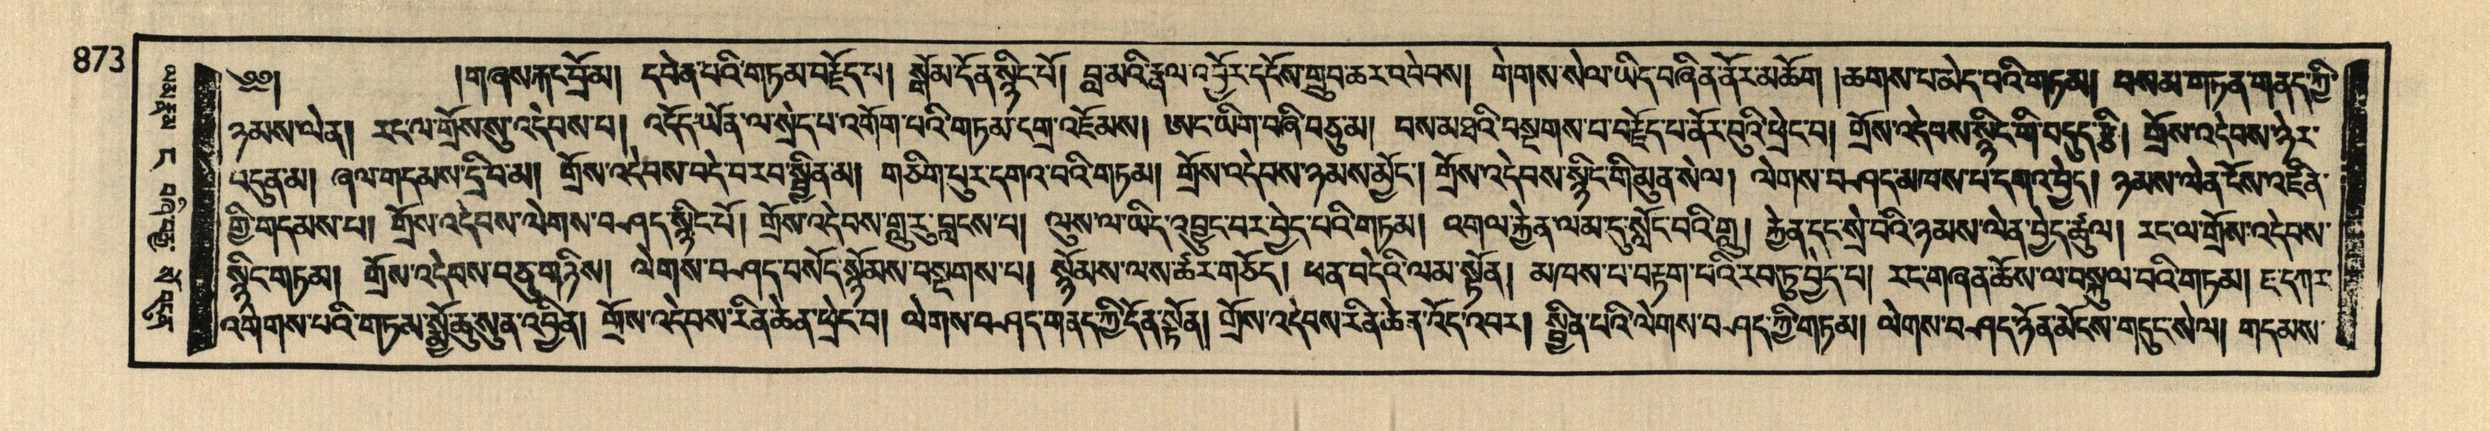༄༅། །གཞས་རྐང་བྲོ་མ། དབེན་པའི་གཏམ་བརྗོད་པ། སྒོམ་དོན་སྙིང་པོ། བླ་མའི་རྣལ་འབྱོར་དངོས་གྲུབ་ཆར་འབེབས། གེགས་སེལ་ཡིད་བཞིན་ནོར་མཆོག །ཆགས་པ་མེད་བའི་གཏམ། བསམ་གཏན་གནད་ཀྱི་
ཉམས་ལེན། རང་ལ་གྲོས་སུ་འདེབས་པ། འདོད་ཡོན་ལ་སྲེད་པ་འགོག་པའི་གཏམ་དགྲ་འཇོམས། ཨང་ཡིག་བཞི་བཅུ་མ། བས་མཐའི་བསྔགས་པ་བརྗོད་པ་ནོར་བུའི་ཕྲེང་བ། གྲོས་འདེབས་སྙིང་གི་བདུད་རྩི། གྲོས་འདེབས་ཉེར་
བདུན་མ། ཞལ་གདམས་དྲི་བ་མ། གྲོས་འདེབས་བདེ་བ་རབ་སྦྱིན་མ། གཅིག་པུར་དགའ་བའི་གཏམ། གྲོས་འདེབས་ཉམས་མྱོང་། གྲོས་འདེབས་སྙིང་གི་མུན་སེལ། ལེགས་བཤད་མཁས་པ་དགའ་བྱེད། ཉམས་ལེན་ངོས་འཛིན་
གྱི་གདམས་པ། གྲོས་འདེབས་ལེགས་བཤད་སྙིང་པོ། གྲོས་འདེབས་གླུ་རུ་བླངས་པ། ལུས་ལ་ཡིད་འབྱུང་བར་བྱེད་པའི་གཏམ། འགལ་རྐྱེན་ལམ་དུ་སློང་བའི་གླུ། རྐྱེན་དང་སྲེ་བའི་ཉམས་ལེན་བྱེད་ཚུལ། རང་ལ་གྲོས་འདེབས་
སྙིང་གཏམ། གྲོས་འདེབས་བཅུ་གཉིས། ལེགས་བཤད་བསོད་སྙོམས་བསྔགས་པ། སྙོམས་ལས་ཚར་གཅོད། ཕན་བདེའི་ལམ་སྟོན། མཁས་པ་བརྟག་པའི་རབ་ཏུ་བྱེད་པ། རང་གཞན་ཆོས་ལ་བསྐུལ་བའི་གཏམ། ཇ་དཀར་
འགེགས་པའི་གཏམ་སྨྱོ་ཆུ་སུན་འབྱིན། གྲོས་འདེབས་རིན་ཆེན་ཕྲེང་བ། ལེགས་བཤད་གནད་ཀྱི་དོན་སྟོན། གྲོས་འདེབས་རིན་ཆེན་འོད་འབར། སྦྱིན་པའི་ལེགས་བཤད་ཀྱི་གཏམ། ལེགས་བཤད་ཉོན་མོངས་གདུང་སེལ། གདམས་